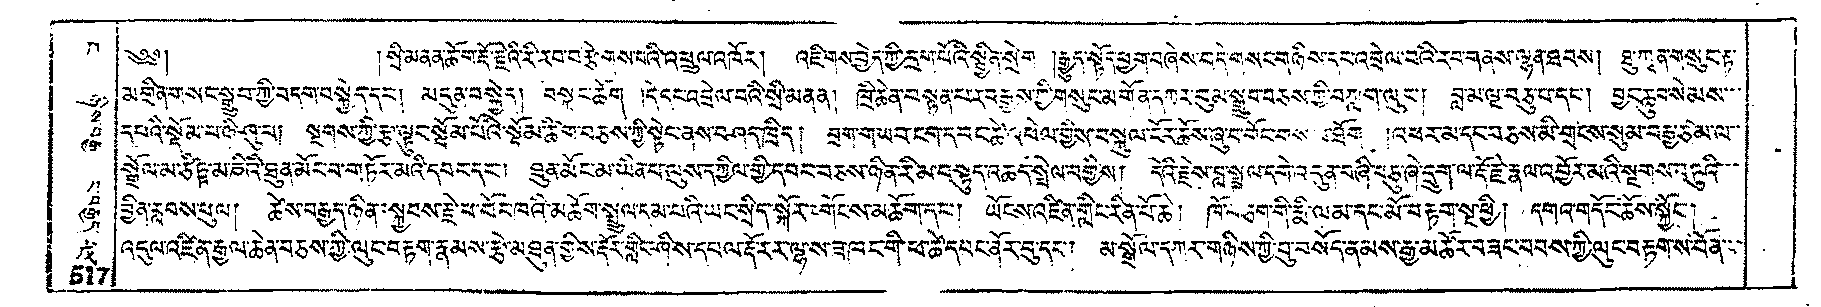༄༅། །སྲི་མནན་ཆོ་ག་རྡོ་རྗེའི་རི་རབ་བརྩེགས་པའི་འཕྲུལ་འཁོར། འཇིགས་བྱེད་ཀྱི་དྲག་པོའི་སྦྱིན་སྲེག །རྒྱུད་སྟོད་ཕྱག་བཞེས་བདེ་གསང་གཉིས་དང་འབྲེལ་བའི་རབ་གནས་ལྷན་ཐབས། ཐུ་ཀྭན་གསུང་རྟ་
མགྲིན་གསང་སྒྲུབ་ཀྱི་བདག་བསྐྱེད་དང་། མདུན་བསྐྱེད། བསྐང་ཆོག །དེ་དང་འབྲེལ་བའི་སྲི་མནན། ཁྲི་ཆེན་བསྟན་པ་རབ་རྒྱས་ཀྱི་གསུང་མགོན་དཀར་བུམ་སྒྲུབ་བཅས་ཀྱི་བཀླག་ལུང་། བླ་མ་ལྔ་བཅུ་པ་དང་། བྱང་ཆུབ་སེམས་
དཔའི་སྡོམ་པ་ཉི་ཤུ་པ། སྔགས་ཀྱི་རྩ་ལྟུང་སྦོམ་པོའི་སྡོམ་ཚིག་བཅས་ཀྱི་སྟེང་ནས་བཤད་ཁྲིད། བྲག་གཡབ་ངག་དབང་ཚེ་འཕེལ་གྱིས་བསྐུལ་ངོར་ཆོས་ཞུ་བ་གོང་གསལ་ཐོག །འཕར་མ་དང་བཅས་མི་གྲངས་སུམ་བརྒྱ་ཙམ་ལ་
སྒྲོལ་མ་ཙིཏྟ་མ་ཎིའི་ཐུན་མོང་བ་གཏོར་མའི་དབང་དང་། ཐུན་མོང་མ་ཡིན་པ་ལུས་དཀྱིལ་གྱི་དབང་བཅས་ཉིན་རིམ་བསྟུད་འཆད་སྤེལ་བགྱིས། དེའི་རྗེས་བླ་སྤྲུལ་དགེ་འདུན་བཞི་བཅུ་ཞེ་དྲུག་ལ་རྡོ་རྗེ་རྣལ་འབྱོར་མའི་སྔགས་བཏུའི་
བྱིན་རླབས་ཕུལ། ཚེས་བརྒྱད་ཉིན་༧སྐྱབས་རྗེ་ཕ་བོང་ཁའི་མཆོག་སྤྲུལ་དམ་དམ་པའི་ཡང་སྲིད་སྐོར་༧གོང་ས་མཆོག་དང་། ཡོངས་འཛིན་གླིང་རིན་པོ་ཆེ། ཁོ་བཅག་གི་རྨི་ལམ་དང་མོ་བརྟག་སྔ་ཕྱི། དགའ་གདོང་ཆོས་སྐྱོང་།
འདུལ་འཛིན་རྒྱལ་ཆེན་བཅས་ཀྱི་ལུང་བརྟག་རྣམས་རྩེ་མཐུན་གྱིས་རྡོར་གླིང་ཤིས་དཔལ་རྡོ་རར་ལྷ་ས་ཟ་ཁང་གི་ཕ་ཚེ་དབང་ནོར་བུ་དང་། མ་སྒྲོལ་དཀར་གཉིས་ཀྱི་བུ་བསོད་ནམས་རྒྱ་མཚོར་བཟང་བབས་ཀྱི་ལུང་བརྟག་ས་བོན་